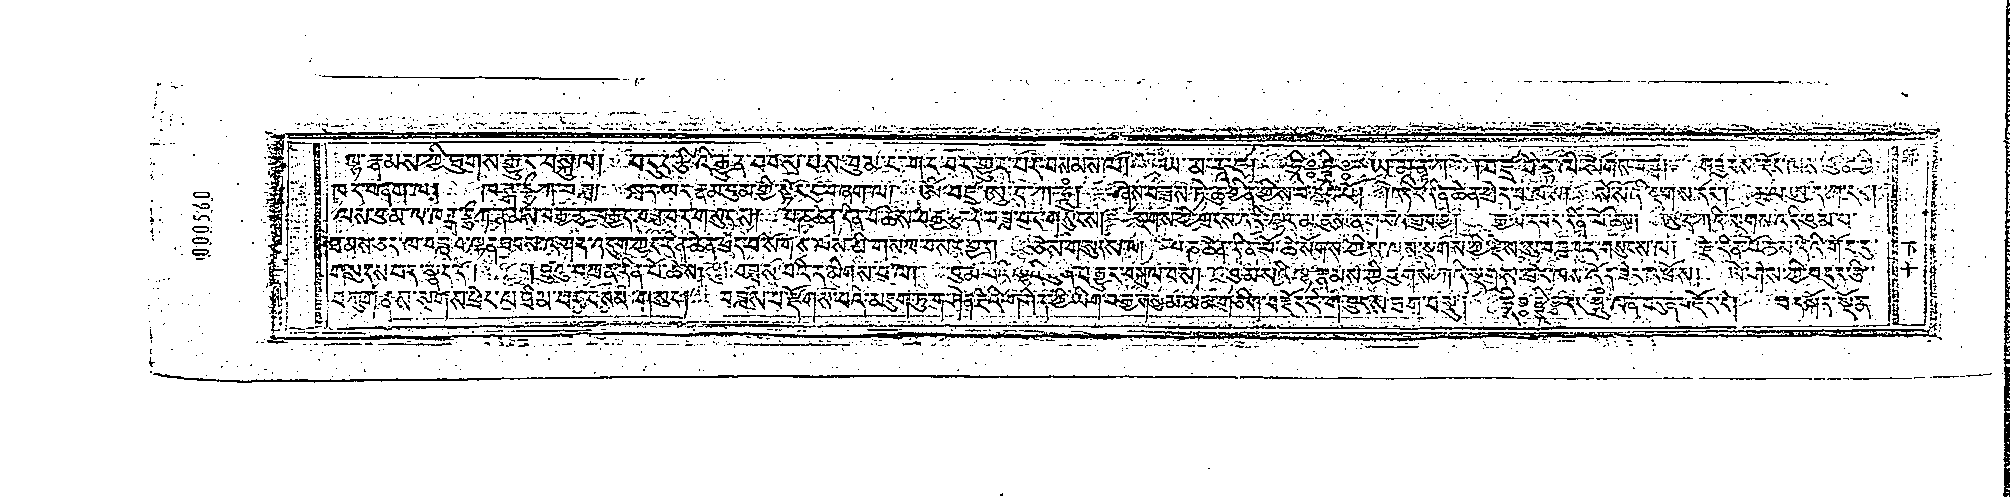ལྷ་རྣམས་ཀྱི་ཐུགས་རྒྱུད་བསྐུལ། བདུད་རྩིའི་རྒྱུན་བབས་པས་བུམ་པ་གང་བར་གྱུར་པར་བསམས་ལ། ཡ་མ་རཱ་ཛ། ཧྲཱིཿ་ཥྚྲཱིཿ་ཡ་མཱནྟ་ཀ །བཛྲ་བི་དྷ་ལི་སོགས་བཟླ། གཟུངས་རྡོང་ལས་བུམ་གྱི་
ཁར་བཞག་ལ། ཁཊྒ་དྷྲྀ་ཀ་བཟླ། སླར་ཡང་རྣམ་བུམ་གྱི་སྟེང་དུ་བཞག་ལ། ཨོཾ་བཛྲ་ཨུ་ད་ཀ་ཧཱུཾ། ཞེས་བཟླས་ཏེ་ཆུ་བྱིན་གྱིས་བརླབ་བོ། །འདིར་རིན་ཆེན་ཕྲེང་བ་ལས། སོ་སོའི་སྔགས་དང་། ཆུ་ལ་ཨུ་ད་ཀ་དང་།
ལས་བུམ་ལ་ཁཊྒ་དྷྲི་རྣམས་བརྒྱ་རྩ་བརྒྱད་བཟླ་བར་གསུངས། པཎ་ཆེན་རིན་པོ་ཆེས་བརྒྱ་རྩ་དེ་བཟླ་བར་གསུངས། སྔགས་ཀྱི་གྲངས་འདི་ལྟར་མ་ནུས་ན་གད་འགྲུབ་བྱ། རྒྱལ་དབང་རིན་པོ་ཆེས། ཨུ་ད་ཀའི་སྔགས་འདི་བུམ་པ་
ཐམས་ཅད་ལ་བཟླ་བ་ལྷན་ཐབས་འགར་འདུག་ཀྱང་རིན་ཆེན་ཕྲེང་བ་སོགས་ལས་མི་གསལ་བས་དཔྱད། ཅེས་གསུངས་ལ། པཎ་ཆེན་རིན་པོ་ཆེ་སོགས་ཀྱིས་ལས་སྔགས་ཀྱི་རྗེས་སུ་བཟླ་བར་གསུངས་ལ། རྗེ་རིན་པོ་ཆེས་དེའི་གོང་དུ་
གསུངས་བར་སྣང་ངོ། །ཐུའུ་བཀྭན་རིན་པོ་ཆེས། བཟླས་པའི་དམིགས་པ་ལ། བུམ་པའི་ལྷའི་ཐུགས་རྒྱུད་བསྐུལ་བས། བུམ་སའི་ལྷ་རྣམས་ཀྱི་ཐུགས་ཀའི་སྔགས་ཕྲེང་ལས་འོད་ཟེར་འཕྲོས། ཡེ་ཤེས་ཀྱི་བདུད་རྩི་
བཀུག་ནས་སྔགས་ཕྲེང་ལ་ཐིམ་པར་བསམ་གསུང་། བཟླས་པ་རྫོགས་པའི་མཇུག་ཏུ་གཤིན་རྗེའི་གཤེད་ཀྱི་ཡིག་བརྒྱ་གསུམ་མམ་གཅིག་བརྗོད་དེ་གཟུངས་ཐག་བསྡུ། ཧྲཱིཿ་ཥྚཱིཿ་དང་ཧཱུཾ་ལན་བདུན་བརྗོད་དེ། བར་སྐོར་སྔོ་